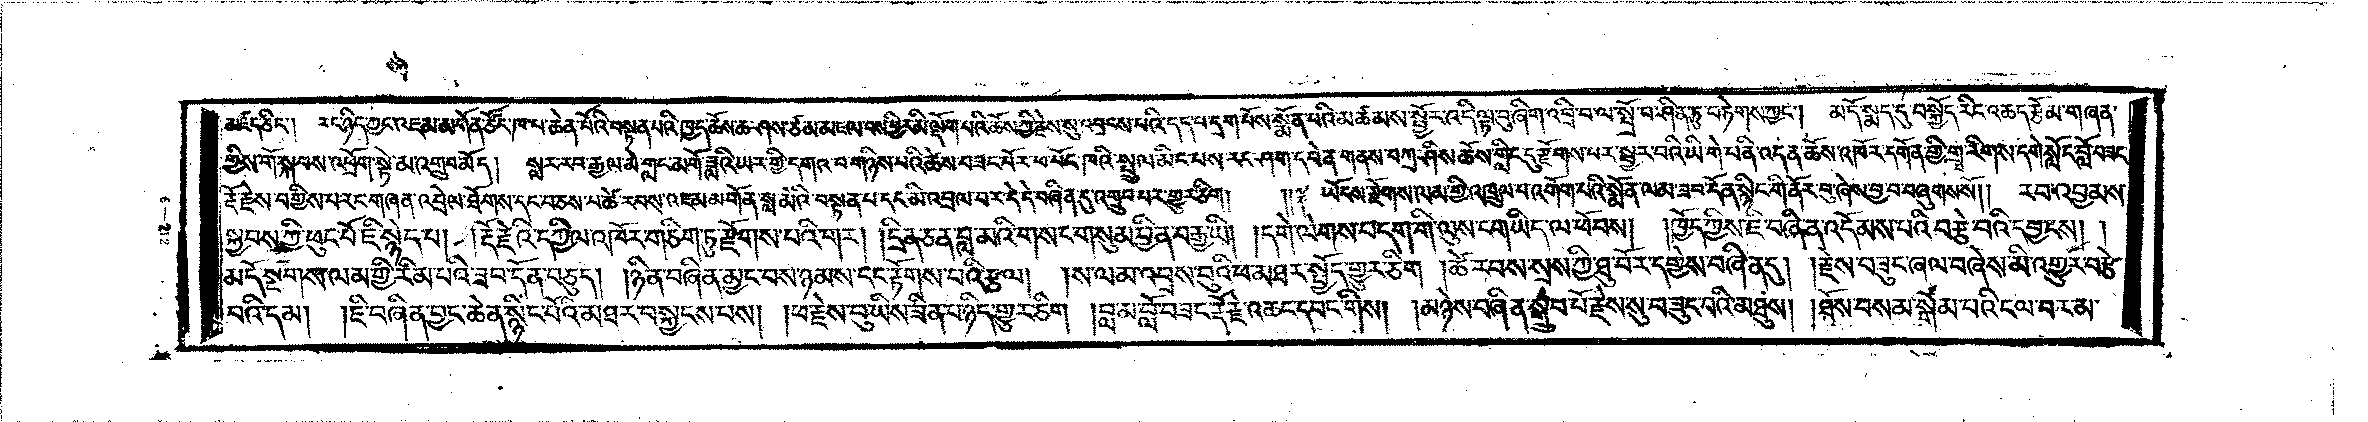མཛད་ཅིང་། རང་ཉིད་ཀྱང་འཇམ་མགོན་རྩོང་ཁ་པ་ཆེན་པོའི་བསྟན་པའི་ཁྱད་ཆོས་ཆ་ཤས་ཙམ་མཇལ་བས་ཕྱིར་མི་ལྡོག་པའི་ཆོས་ཀྱི་རྗེས་སུ་འབྲངས་པའི་དད་པ་དྲག་པོས་སྨོན་པའི་མཚམས་སྦྱོར་འདི་ལྟ་བུ་ཞིག་འབྲི་བ་ལ་སྤྲོ་བ་ཤིན་ཏུ་བཏེགས་ཀྱང་། མདོ་སྨད་དུ་བསྐྱོད་རིང་འཆད་རྩོམ་གཞན་
གྱིས་གོ་སྐབས་འཕྲོག་སྟེ་མ་འགྲུབ་མོད། སླར་རབ་རྒྱལ་མེ་གླང་མགོ་ཟླའི་ཡར་གྱི་དགའ་བ་གཉིས་པའི་ཚེས་བཟང་པོར་ཕ་བོང་ཁའི་སྤྲུལ་མིང་པས་རང་ཤག་དབེན་གནས་བཀྲ་ཤིས་ཆོས་གླིང་དུ་རྫོགས་པར་སྦྱར་བའི་ཡི་གེ་པ་ནི་འདན་ཆོས་འཁོར་དགོན་གྱི་གྲྭ་རིགས་དགེ་སློང་བློ་བཟང་
རྡོ་རྗེས་བགྱིས་པ་རང་གཞན་འབྲེལ་ཐོགས་དང་བཅས་པ་ཚེ་རབས་འཇམ་མགོན་སླ་མའི་བསྟན་པ་དན་མི་འབྲལ་བར་དེ་དེ་བཞིན་དུ་འགྲུབ་པར་གྱུར་ཅིག། །། ༈ ཡོངས་རྫོགས་ལམ་གྱི་འཁྲུལ་པ་འགོག་པའི་སྨོན་ལམ་ཟབ་དོན་སྙིང་གི་ནོར་བུ་ཞེས་བྱ་བ་བཞུགས་སོ།། རབ་འབྱམས་
སྐྱབས་ཀྱི་ཕུང་པོ་ཇི་སྙེད་པ། །རྡོ་རྗེའི་དཀྱིལ་འཁོར་གཅིག་ཏུ་རྫོགས་པའི་གར། །དྲིན་ཅན་བླ་མའི་གསང་གསུམ་བྱིན་བརྒྱ་ཡི། །དགེ་ལེགས་བདག་གི་ལུས་ངག་ཡིད་ལ་ཕོབས། །ཁྱོད་ཀྱིས་ཇི་བཞིན་འདོམས་པའི་བརྩེ་བའི་དབྱངས། །
མདོ་སྔགས་ལམ་གྱི་རིམ་པའི་ཟབ་དོན་བཅུད། །ཉིན་བཞིན་མྱང་བས་ཉམས་དང་རྟོགས་པའི་རྩལ། །ས་ལམ་འབྲས་བུའི་ཕ་མཐར་སྤྱོད་གྱུར་ཅིག །ཚེ་རབས་སྲས་ཀྱི་ཐུ་བོར་དགྱེས་བཞིན་དུ། །རྗེས་བཟུང་ཞལ་བཞེས་མི་འགྱུར་བརྩེ་
བའི་དམ། །ཇི་བཞིན་བྱང་ཆེན་སྙིང་པོའི་མཐར་བསྐྱངས་པས། །ཕ་རྗེས་བུ་ཡིས་ཟིན་པ་ཡིད་གྱུར་ཅིག །བླ་མ་བློ་བཟང་རྡོ་རྗེ་འཆང་དབང་གིས། །མ་ཉེས་བཞིན་སྒྲུབ་པོ་རྗེས་སུ་བཟུང་བའི་མཐུས། །ཐོས་བསམ་སྒེམ་པའི་ངལ་བར་མ་